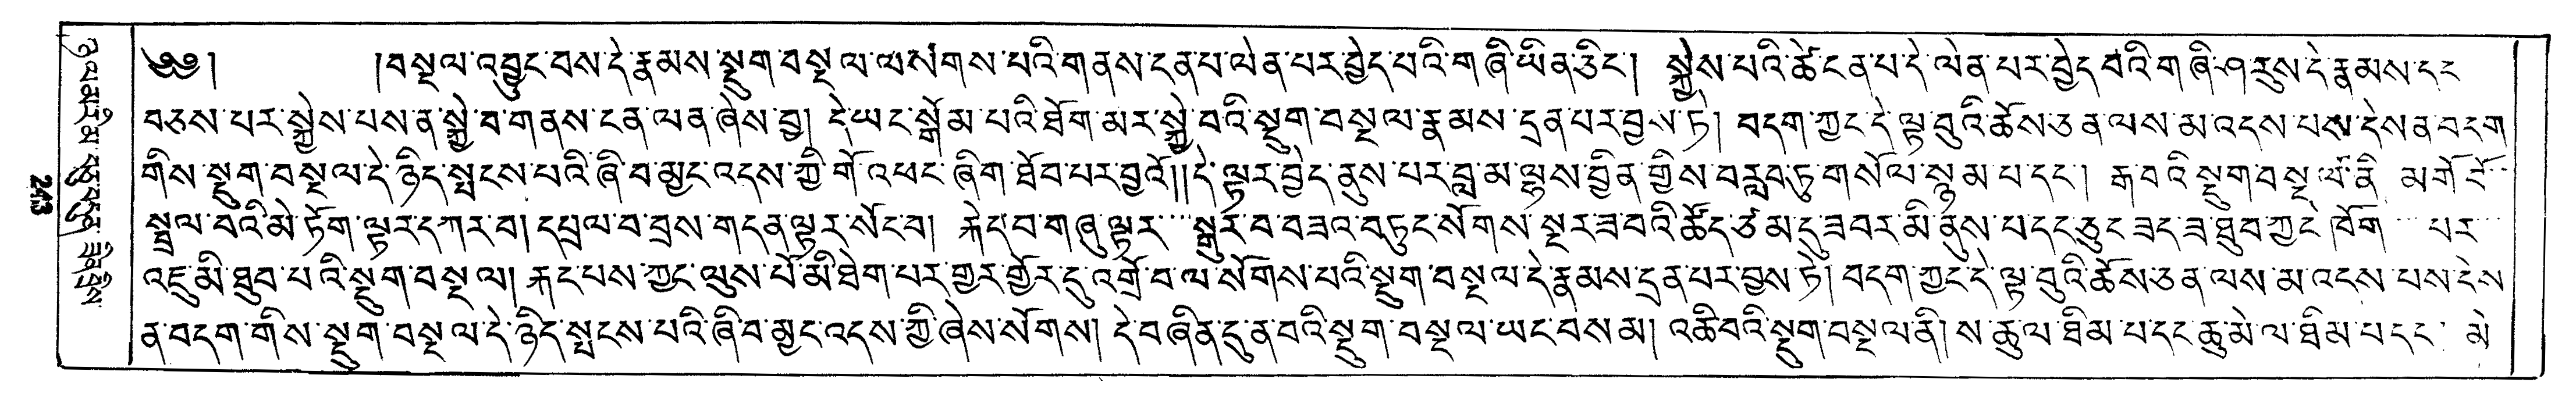༄༅། །བསྔལ་འབྱུང་བས་དེ་རྣམས་སྡུག་བསྔལ་ལ་སོགས་པའི་གནས་ངན་པ་ལེན་པར་བྱེད་པའི་གཞི་ཡིན་ཅིང་། སྐྱེས་པའི་ཚེ་ངན་པ་དེ་ལེན་པར་བྱེད་པའི་གཞི་ཤ་རུས་དེ་རྣམས་དང་
བཅས་པར་སྐྱེས་བས་ན་སྐྱེ་བ་གནས་ངན་ལེན་ཞེས་བྱ། དེ་ཡང་སྒོམ་པའི་ཐོག་མར་སྐྱེ་བའི་སྡུག་བསྔལ་རྣམས་དྲན་པར་བྱས་ཏེ། བདག་ཀྱང་དེ་ལྟ་བུའི་ཆོས་ཅན་ལས་མ་འདས་པས་དེས་ན་བདག་
གིས་སྡུག་བསྔལ་དེ་ཉིད་སྤངས་པའི་ཞི་བ་མྱང་འདས་ཀྱི་གོ་འཕང་ཞིག་ཐོབ་པར་བྱའོ། །དེ་ལྟར་བྱེད་ནུས་པར་བླ་མ་ལྷས་བྱིན་གྱིས་བརླབ་ཏུ་གསོལ་སྙམ་པ་དང་། རྒ་བའི་སྡུག་བསྔལ་ནི། མགོ་བོ་
སྦྲལ་བའི་མེ་ཏོག་ལྟར་དཀར་བ། དཔྲལ་བ་བྲས་གདན་ལྟར་སོང་བ། རྐེད་པ་གཞུ་ལྟར་སྒུར་བ་བཟའ་བཏུང་སོགས་སྔར་ཟ་བའི་ཚོད་ཙམ་དུ་ཟ་བར་མི་ནུས་པ་དང་ཅུང་ཟད་ཟ་ཐུབ་ཀྱང་ཁོག་བར་
འཇུ་མི་ཐུབ་པའི་སྡུག་བསྔལ། རྐང་པས་ཀྱང་ལུས་པོ་མི་ཐེག་པར་གྱར་གྱོར་དུ་འགྲོ་བ་ལ་སོགས་པའི་སྡུག་བསྔལ་དེ་རྣམས་དྲན་པར་བྱས་ཏེ། བདག་ཀྱང་དེ་ལྟ་བུའི་ཆོས་ཅན་ལས་མ་འདས་པས་དེས་
ན་བདག་གིས་སྡུག་བསྔལ་དེ་ཉིད་སྤངས་པའི་ཞི་བ་མྱང་འདས་ཀྱི་ཞེས་སོགས། དེ་བཞིན་དུ་ན་བའི་སྡུག་བསྔལ་ཡང་བསམ། འཆི་བའི་སྡུག་བསྔལ་ནི། ས་ཆུ་ལ་ཐིམ་པ་དང་ཆུ་མེ་ལ་ཐིམ་པ་དང་། མེ་